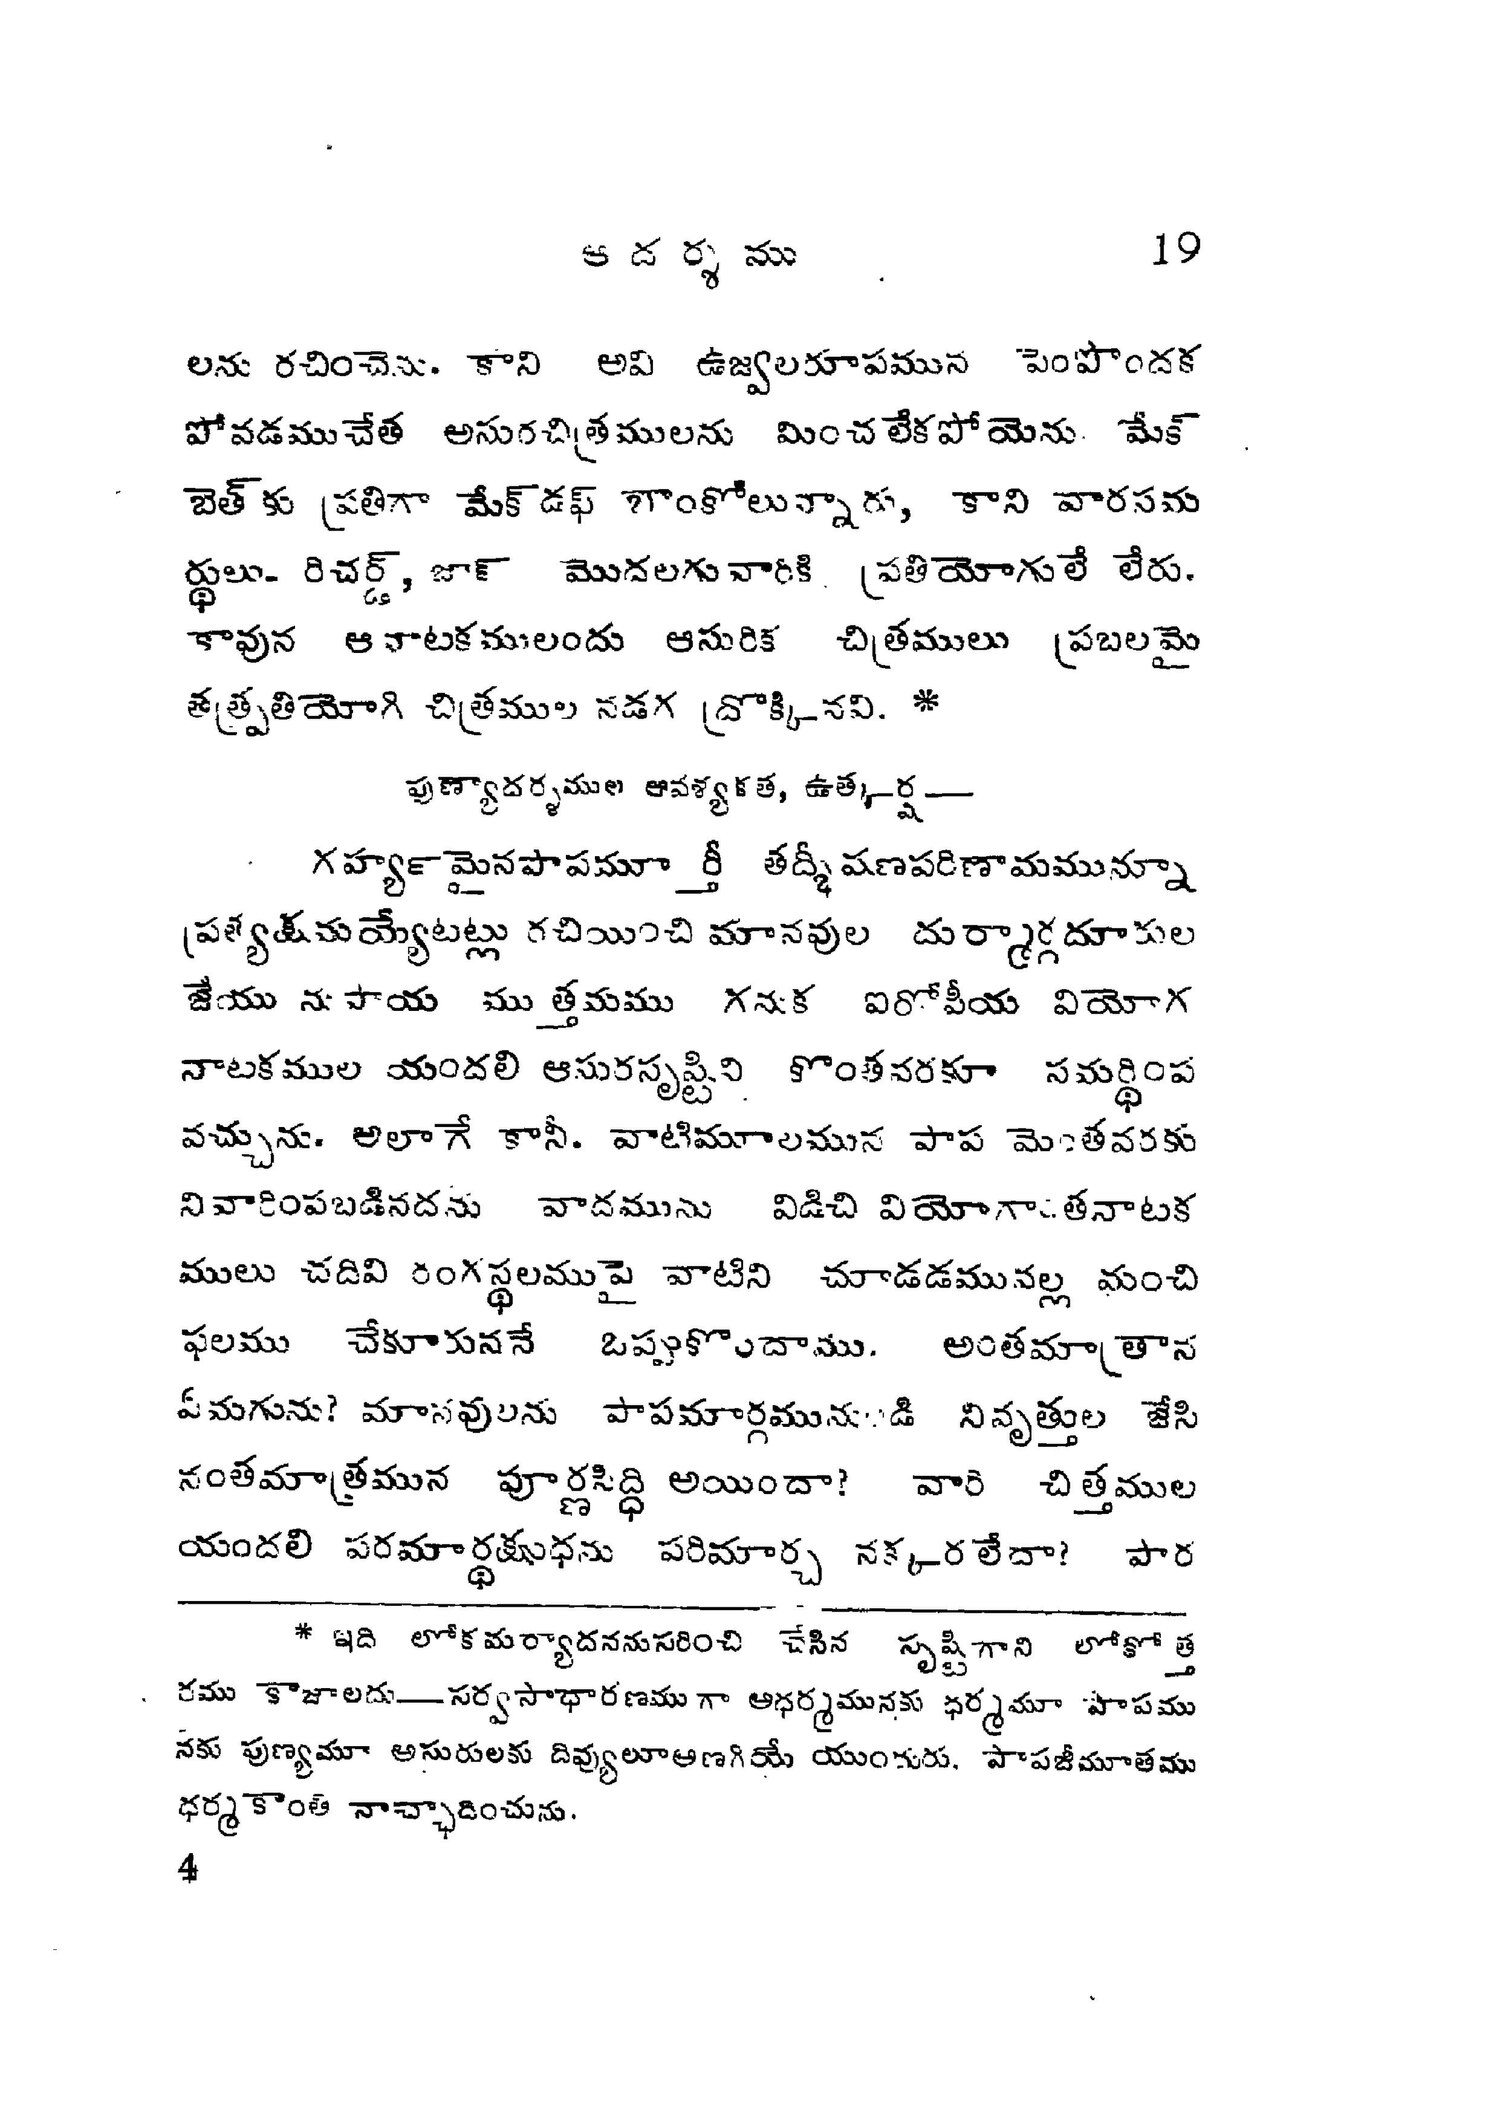లను రచించెను. కాని అవి ఉజ్వలరూపమున పెంపొదక పోవడముచేత అసురచిత్రములను మించలేకపోయెను. మేక్‌బెత్ కు ప్రతిగా మేక్‌డఫ్ బాంకోలున్నారు, కాని వారసమర్థులు - రిచర్డ్, జాన్ మొదలగువారికి ప్రతియోగులే లేరు. కావున ఆనాటకములందు ఆసురిక చిత్రములు ప్రబలమై తత్ప్రతియోగి చిత్రముల నడగ ద్రొక్కినవి. *

గహ్యన్‌మైనపాపమూర్తి తద్భీషణపరిణామమున్నూ ప్రత్యక్షమయ్యేటట్లు రచియించి మానవుల దుర్మార్గదూరుల జేయు నుపాయ ముత్తమము గనుక ఐరోపీయ వియోగ నాటకముల యందలి ఆసురసృష్టిని కొంతవరకూ సమర్థింప వచ్చును. అలాగే కానీ. వాటిమూలమున పాప మెంతవరకు నివారింపబడినదను వాదమును విడిచి వియోగాంతనాటకములు చదివి రంగస్థలముపై వాటిని చూడడమువల్ల మంచి ఫలము చేకూరుననే ఒప్పుకొందాము. అంతమాత్రనా ఏమగును? మానవులను పాపమార్గమునుండి నివృత్తుల జేసినంతమాత్రమున పూర్ణసిద్ధి అయిందా? వారి చిత్తముల యందలి పరమార్థక్షుధను పరిమార్చ నక్కరలేదా? పార